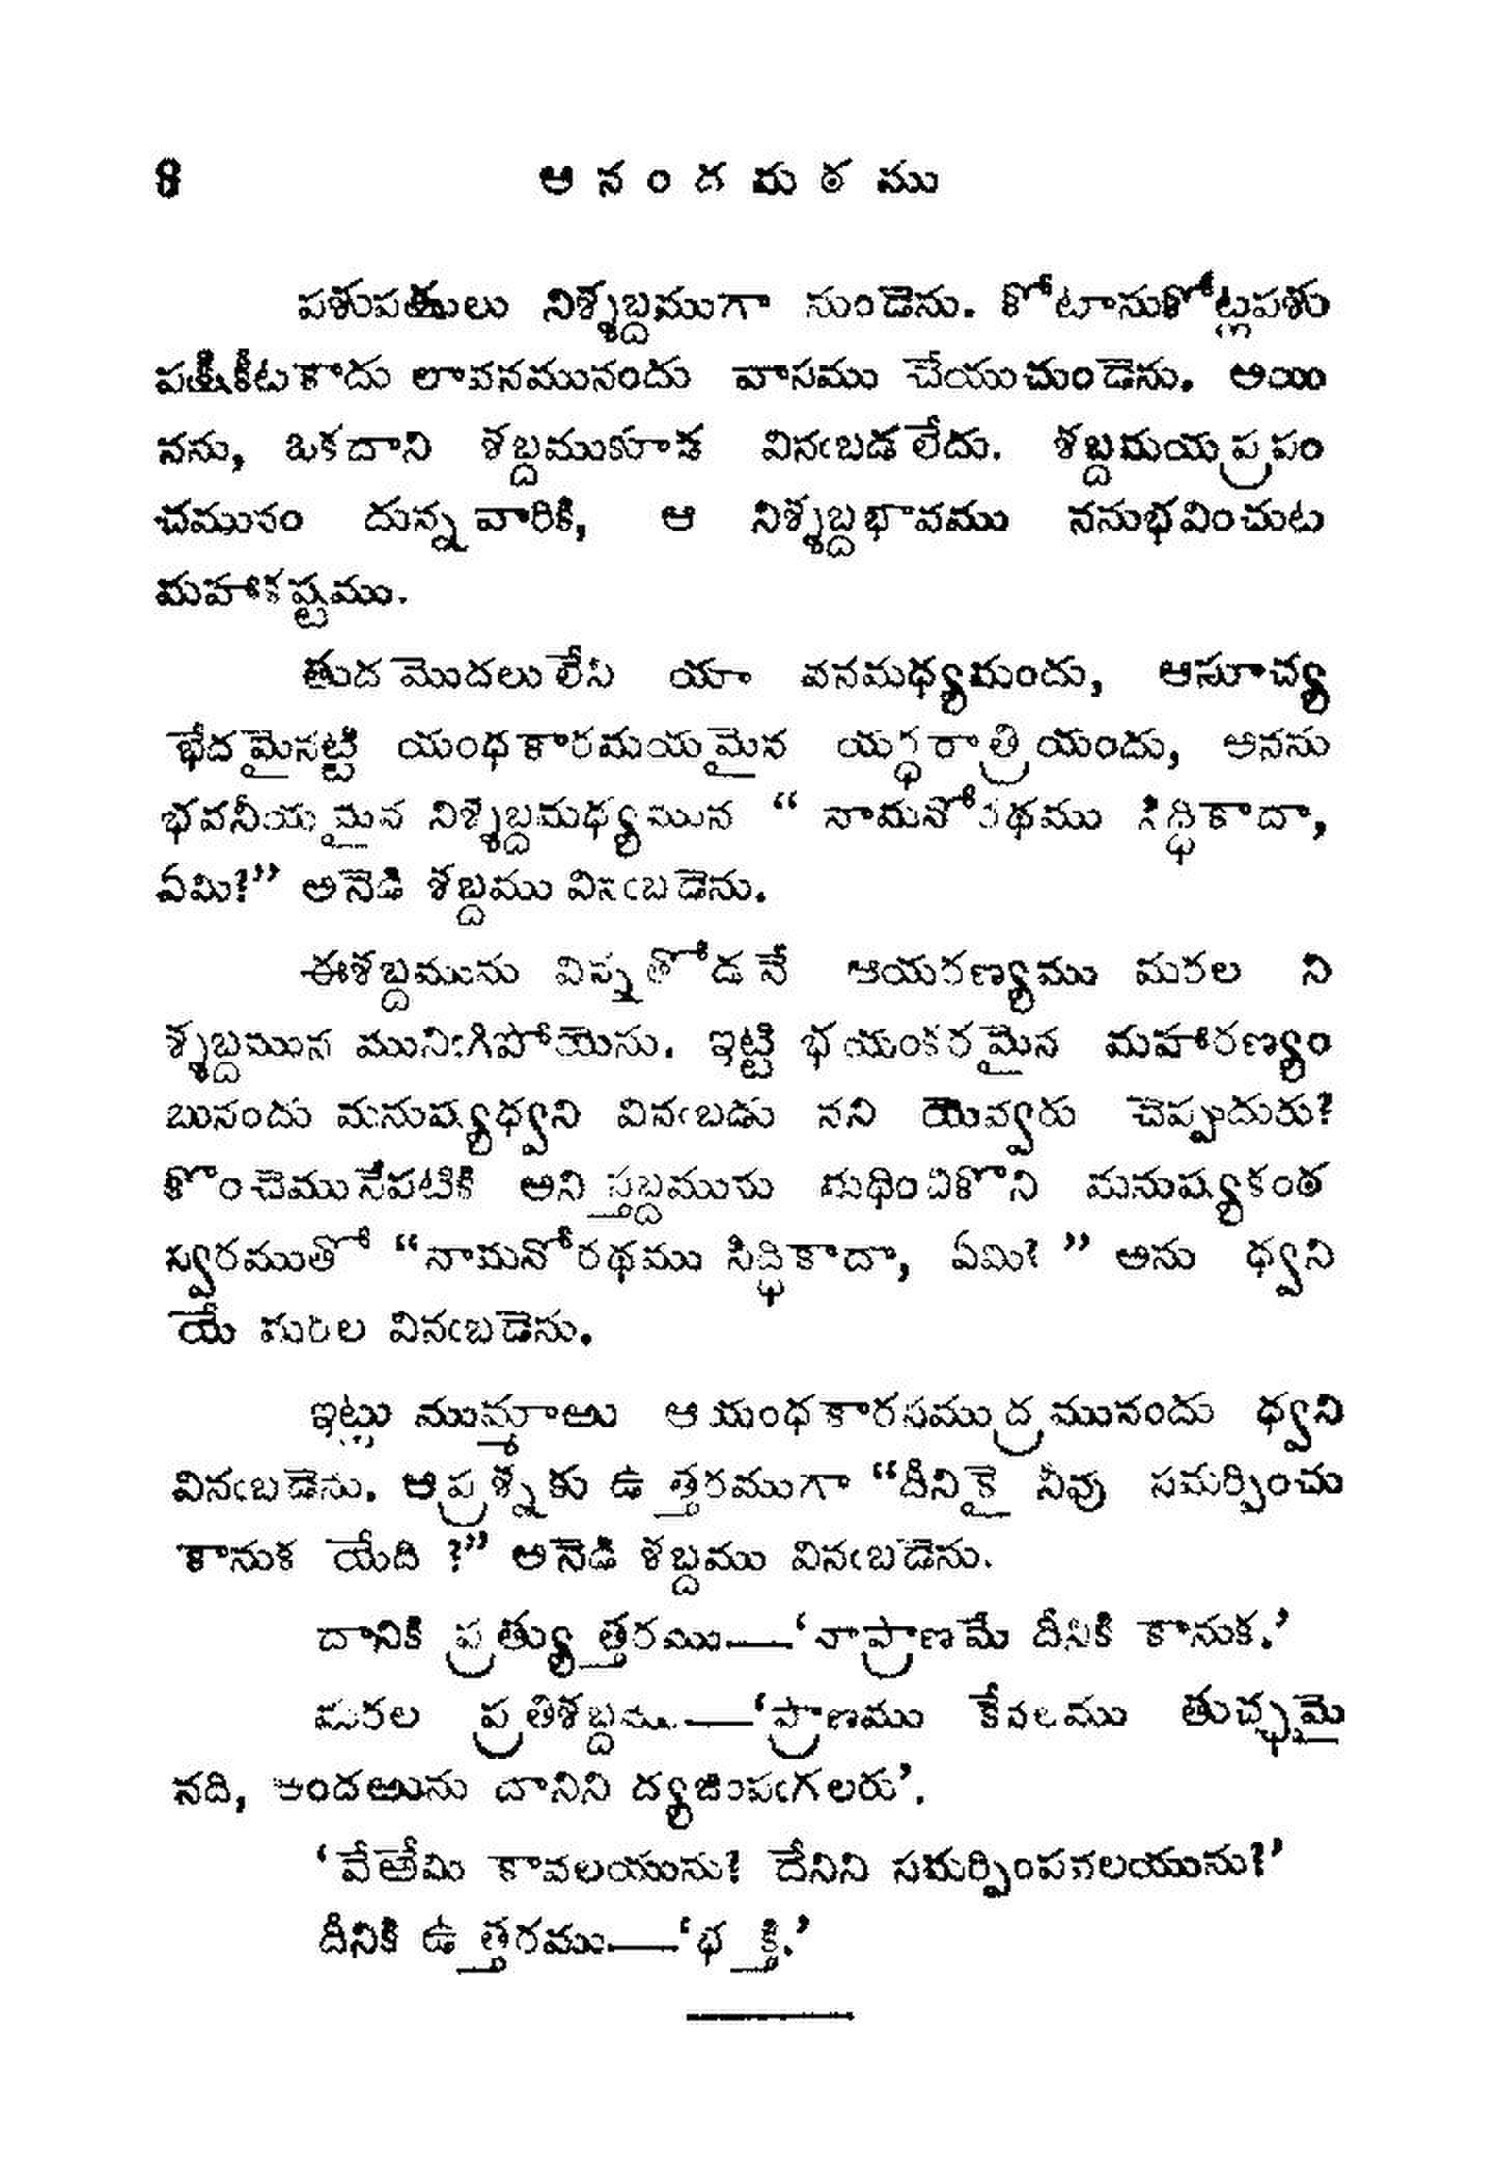పశుపక్షులు నిశ్శబ్దముగా నుండెను. కోటానుకోట్లపశుపక్షికీటకాదు లావనమునందు వాసము చేయుచుండెను. అయినను, ఒకదాని శబ్దముకూడ వినఁబడలేదు. శబ్దమయప్రపంచమునం దున్నవారికి, ఆ నిశ్శబ్దభావము ననుభవించుట మహాకష్టము.

తుద మొదలు లేని యా వనమధ్యమందు, ఆసూచ్యభేదమైనట్టి యంధకారమయమైన యర్ధరాత్రియందు, అనను భవనీయమైన నిశ్శబ్దమధ్యమున “నామనోరథము సిద్ధికాదా, ఏమి?” అనెడి శబ్దము వినఁబడెను.

ఈశబ్దమును విన్నతోడనే ఆయరణ్యము మరల నిశ్శబ్దమున మునిఁగిపోయెను. ఇట్టి భయంకరమైన మహారణ్యంబునందు మనుష్యధ్వని వినఁబడు నని యెవ్వరు చెప్పుదురు? కొంచెముసేపటికి అనిస్తబ్దముకు మథించికొని మనుష్యకంఠస్వరముతో “నామనోరథము సిద్ధికాదా, ఏమి? " అను ధ్వనియే మరల వినఁబడెను.

ఇట్లు ముమ్మాఱు ఆయంధకారసముద్రమునందు ధ్వని వినఁబడెను, ఆప్రశ్నకు ఉత్తరముగా “దీనికై నీవు సమర్పించు కానుక యేది ?” అనెడి శబ్దము వినఁబడెను.

దానికి ప్రత్యుత్తరము - 'నాప్రాణమే దీనికి కానుక.'

మరల ప్రతిశబ్దము - 'ప్రాణము కేవలము తుచ్ఛమైనది, అందఱును దానిని ద్యజింపఁగలరు',

“వేఱేమి కావలయును? దేనిని సమర్పింపవలయును?'

దీనికి ఉత్తరము - 'భక్తి.'

__________